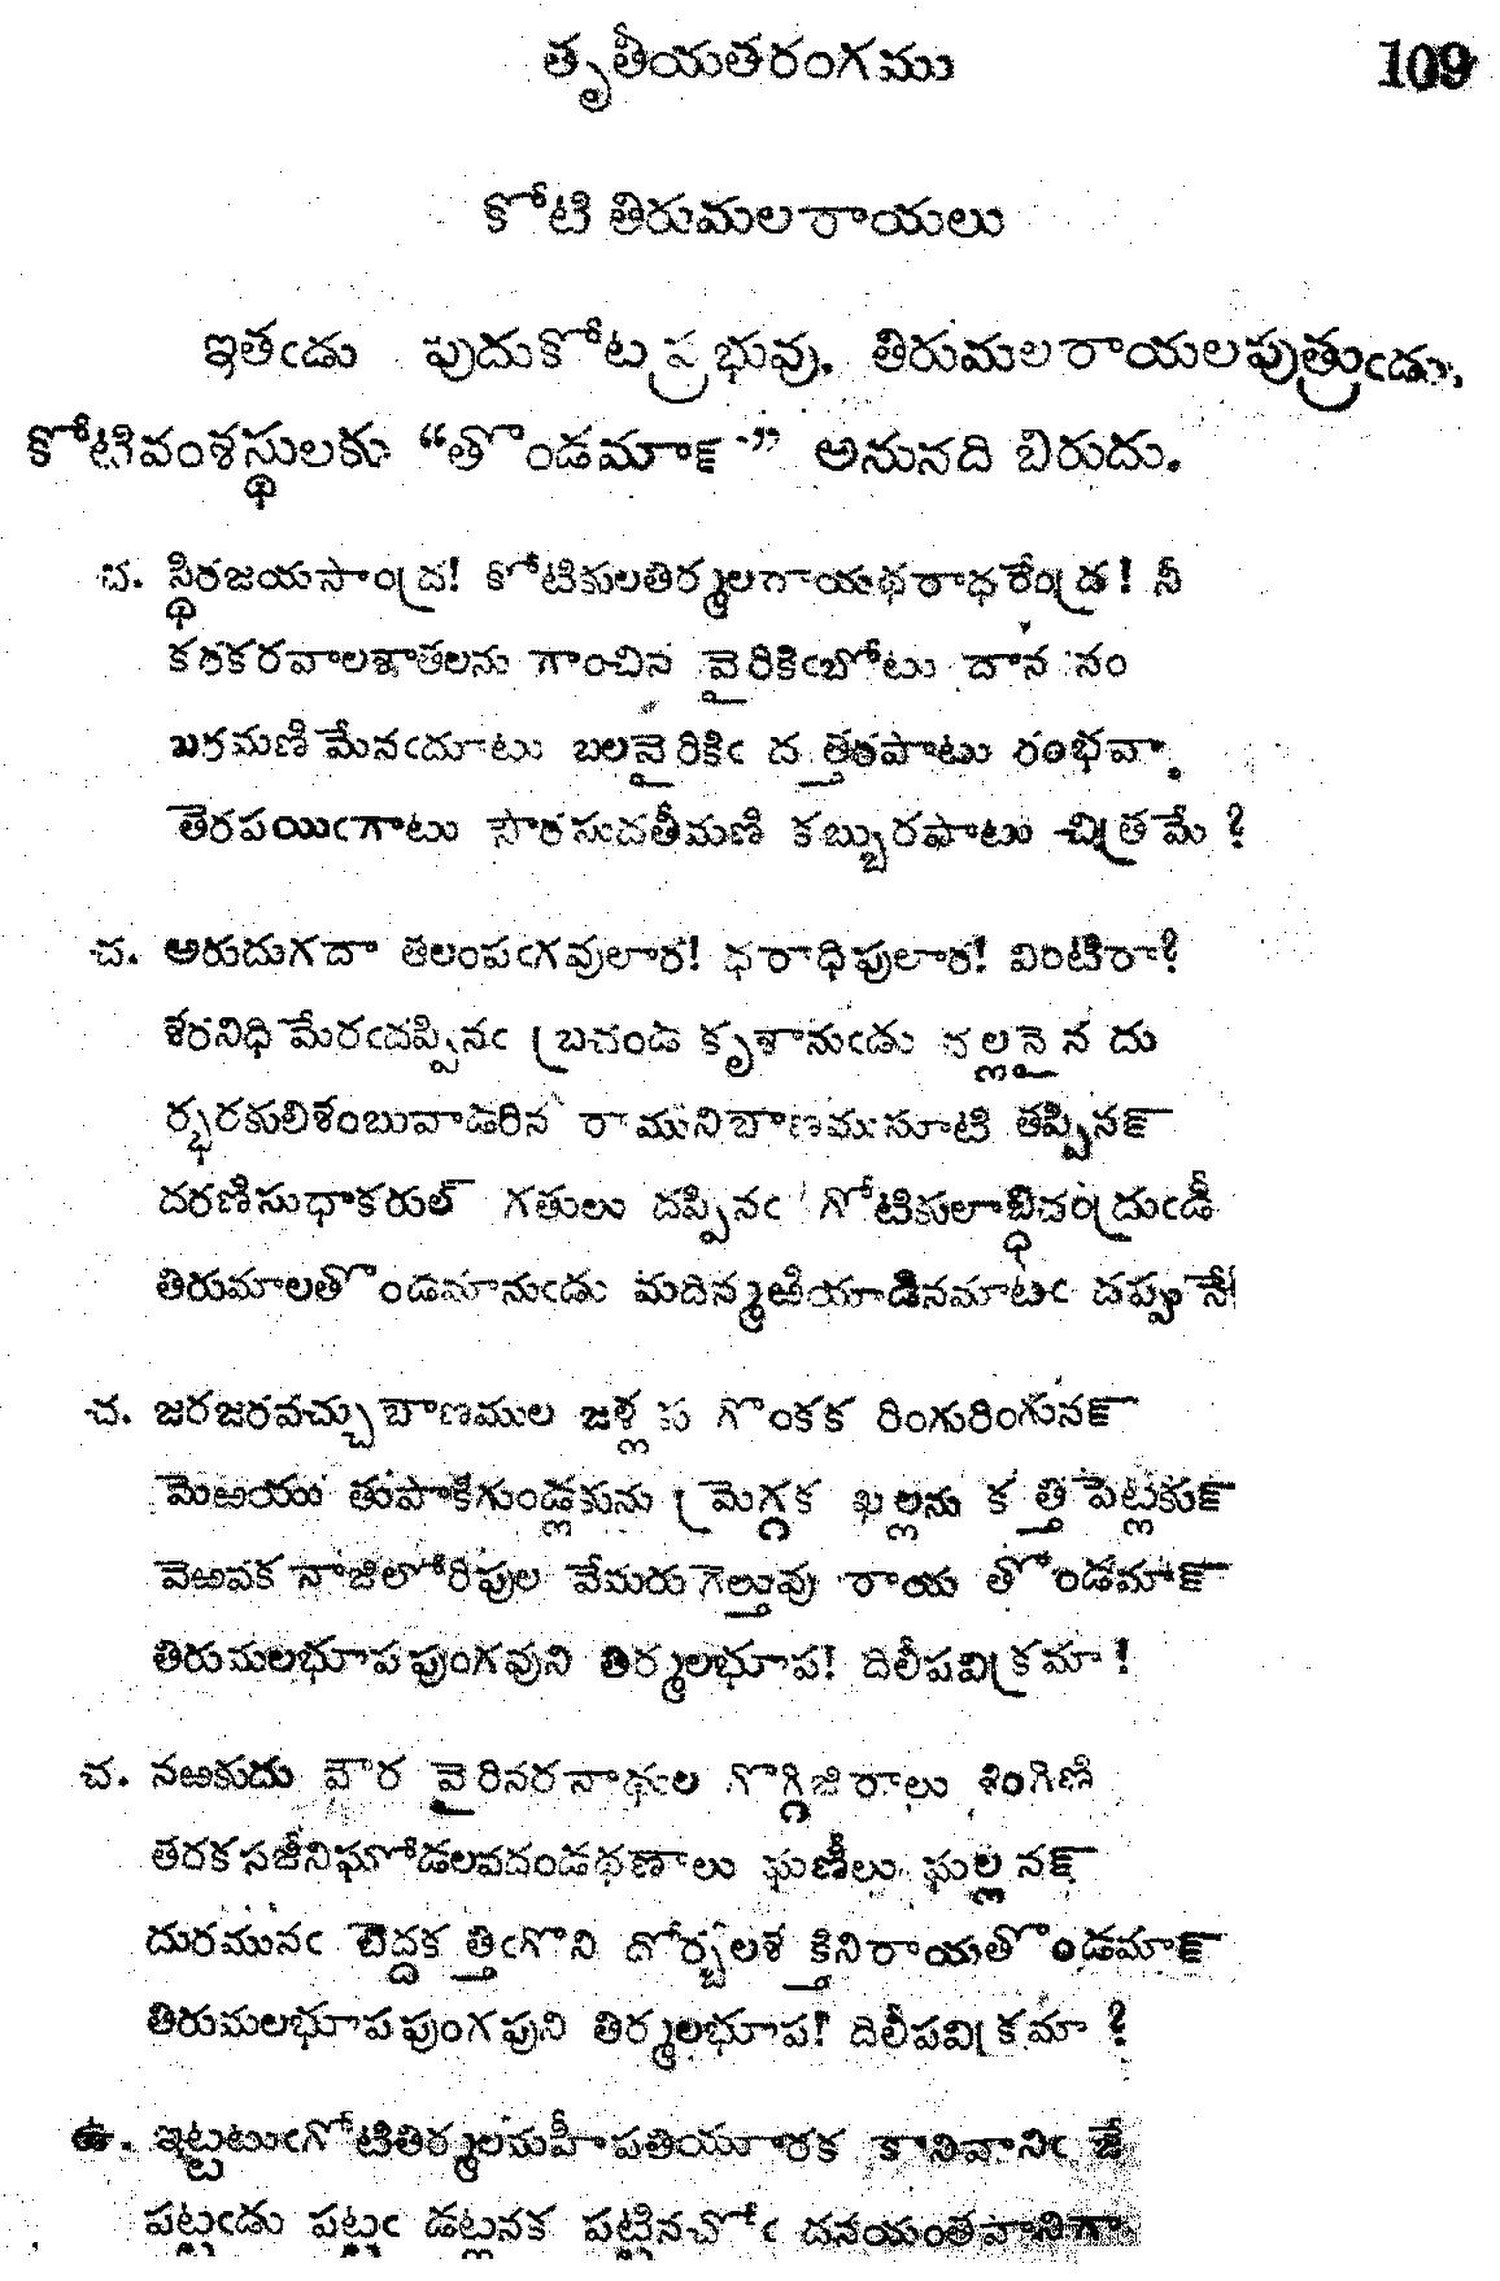ఇతఁడు పుదుకోటప్రభువు. తిరుమలరాయలపుత్రుఁడు. కోటివంశస్థులకు “తొండమాన్” అనునది బిరుదు.

చ. స్థిరజయసాంద్ర! కోటికులతిర్మలరాయధరాధరేంద్ర! నీ
 కరకరవాలశాతలను గాంచిన వైరికిఁబోటు దాన నం
 బరమణిమేనఁదూటు బలవైరికిఁ దత్తరపాటు రంభవా
 తెరపయిఁగాటు సౌరసుదతీమణి కబ్బురపాటు చిత్రమే?

చ. అరుదుగదా తలంపఁ గవులార! ధరాధిపులార! వింటిరా?
 శరనిధిమేరఁదప్పినఁ బ్రచండకృశానుఁడు చల్లనైన దు
 ర్భరకులిశంబువాడరిన రామునిబాణము సూటి తప్పినన్
 దరణిసుధాకరున్ గతులు దప్పినఁ గోటికులాబ్ధిచంద్రుఁడీ
 తిరుమలతొండమానుఁడు మదిన్మఱియాడినమాటఁ దప్పునే!

చ. జరజరవచ్చుబాణముల జళ్ళకు గొంకక రింగురింగునన్
 మెఱయు తుపాకిగుండ్లకును మ్రెగ్గక ఖల్లను కత్తిపెట్లకున్
 వెఱవక నాజిలో రిపుల వేమరు గెల్తువు రాయ తొండమాన్
 తిరుమలభూపపుంగవుని తిర్మలభూప! దిలీపవిక్రమా!

చ. నఱకుదు వౌర వైరినరనాథుల గొగ్గిజిరాలు శింగిణి
 తరకసజీనిఘోడలవదండథణాలు ఘణీలు ఘల్లనన్
 దురమునఁ బెద్దకత్తిఁ గొని దోర్బలశక్తిని రాయతొండమాన్
 తిరుమలభూపపుంగవుని తిర్మలభూప! దిలీపవిక్రమా!

ఉ. ఇట్టటుఁ గోటితిర్మలమహీపతియూరక కానివానిఁ జే
 పట్టఁడు పట్టఁ డట్లనక పట్టినచోఁ దనయంతవానిగా